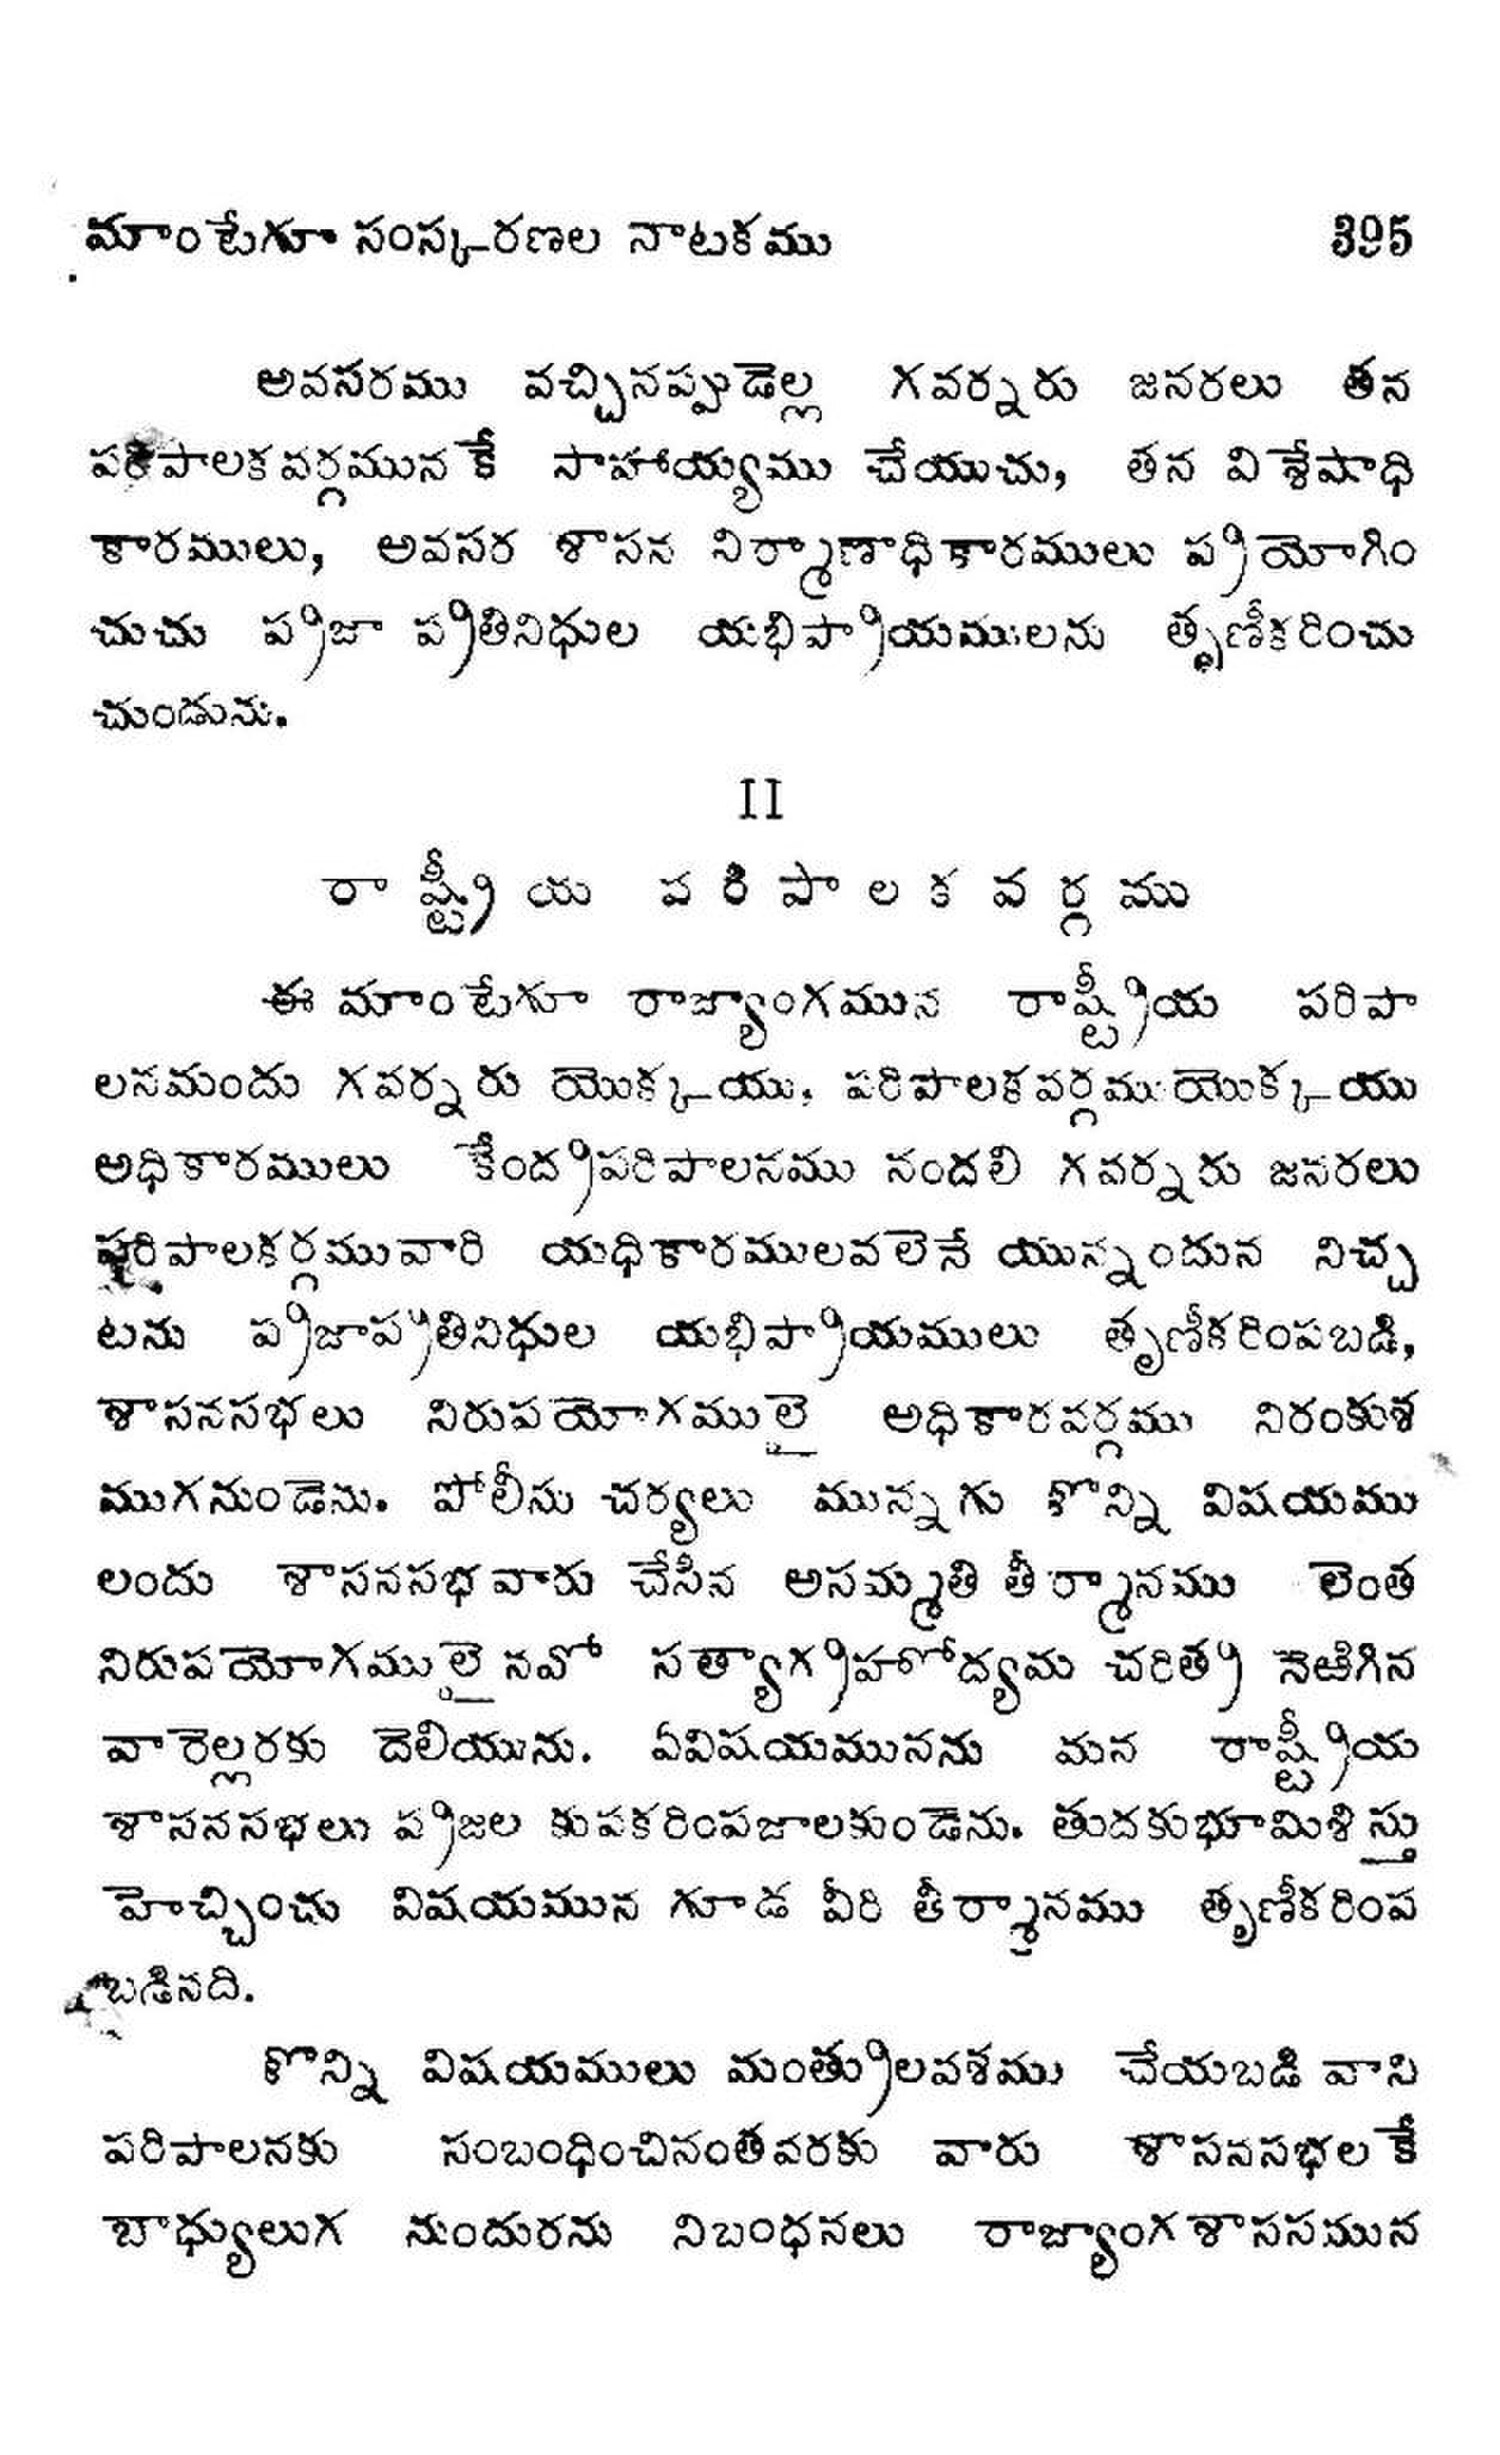అవసరము వచ్చినప్పుడెల్ల గవర్నరు జనరలు తన పరిపాలకవర్గమునకే సాహాయ్యము చేయుచు, తన విశేషాధికారములు, అవసర శాసన నిర్మాణాధికారములు ప్రయోగించుచు ప్రజా ప్రతినిధుల యభిప్రాయములను తృణీకరించు చుండును.

II
రాష్ట్రీయ పరిపాలకవర్గము

ఈ మాంటేగూ రాజ్యాంగమున రాష్ట్రీయ పరిపాలనమందు గవర్నరు యొక్కయు, పరిపాలకవర్గముయొక్కయు అధికారములు కేంద్రపరిపాలనము నందలి గవర్నరు జనరలు పరిపాలకవర్గమువారి యధికారములవలెనే యున్నందున నిచ్చటను ప్రజాప్రతినిధుల యభిప్రాయములు తృణీకరింపబడి, శాసనసభలు నిరుపయోగములై అధికారవర్గము నిరంకుశముగనుండెను. పోలీసు చర్యలు మున్నగు కొన్ని విషయములందు శాసనసభవారు చేసిన అసమ్మతి తీర్మానము లెంత నిరుపయోగములైనవో సత్యాగ్రహోద్యమ చరిత్ర నెఱిగిన వారెల్లరకు దెలియును. ఏవిషయమునను మన రాష్ట్రీయ శాసనసభలు ప్రజల కుపకరింపజాలకుండెను. తుదకుభూమిశిస్తు హెచ్చించు విషయమున గూడ వీరి తీర్మానము తృణీకరింప బడినది.

కొన్ని విషయములు మంత్రులవశము చేయబడి వాని పరిపాలనకు సంబంధించినంతవరకు వారు శాసనసభలకే బాధ్యులుగ నుందురను నిబంధనలు రాజ్యాంగశాససమున